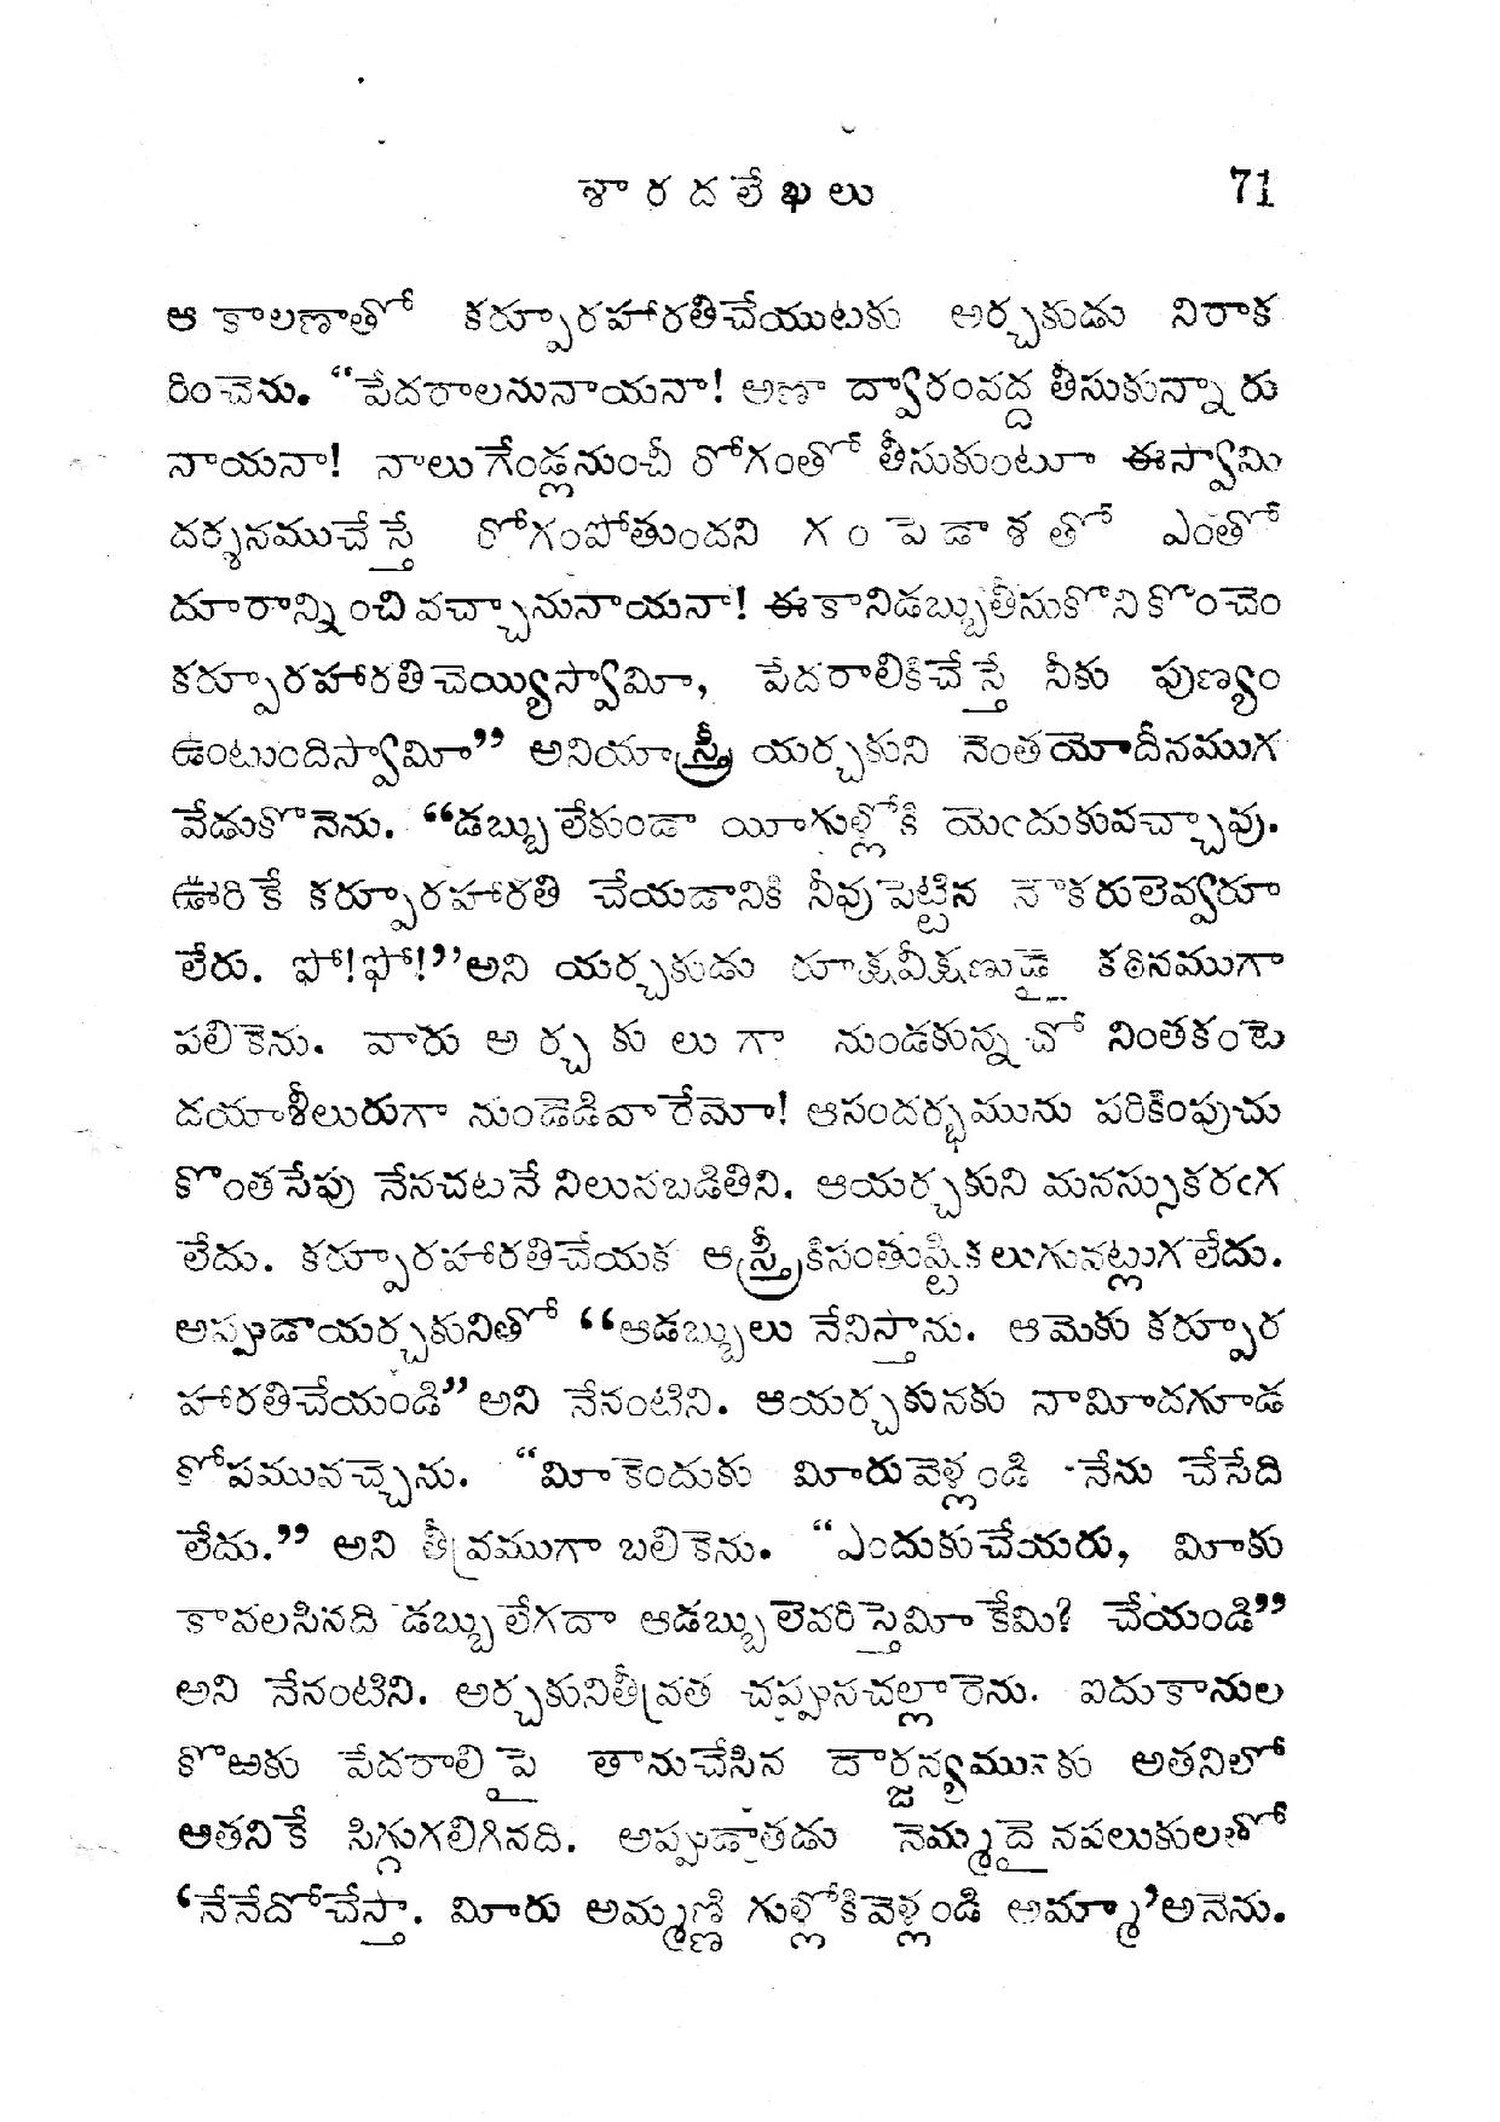ఆ కాలణాతో కర్పూరహారతిచేయుటకు అర్చకుడు నిరాకరించెను. “పేదరాలనునాయనా! అణా ద్వారంవద్ద తీసుకున్నారు నాయనా! నాలుగేండ్లనుంచీ రోగంతో తీసుకుంటూ ఈస్వామి దర్శనముచేస్తే రోగంపోతుందని గంపెడాశతో ఎంతో దూరాన్నించి వచ్చానునాయనా! ఈకానిడబ్బుతీసుకొనికొంచెం కర్పూరహారతిచెయ్యిస్వామీ, పేదరాలికిచేస్తే నీకు పుణ్యం ఉంటుందిస్వామీ” అనియాస్త్రీ యర్చకుని నెంతయోదీనముగ వేడుకొనెను. "డబ్బులేకుండా యీగుళ్లోకి యెందుకువచ్చావు. ఊరికే కర్పూరహారతి చేయడానికి నీవుపెట్టిన నౌకరులెవ్వరూ
లేరు. ఫో!ఫో!" అని యర్చకుడు రూక్షవీక్షణుడై కఠినముగా పలికెను. వారు అర్చకులుగా నుండకున్నచో నింతకంటె దయాశీలురుగా నుండెడివారేమో! ఆసందర్భమును పరికింపుచు కొంతసేపు నేనచటనే నిలువబడితిని. ఆయర్చకుని మనస్సుకరఁగ లేదు. కర్పూరహారతిచేయక ఆస్త్రీకిసంతుష్టికలుగునట్లుగలేదు.
అప్పుడాయర్చకునితో "ఆడబ్బులు నేనిస్తాను. ఆమెకు కర్పూరహారతిచేయండి” అని నేనంటిని. ఆయర్చకునకు నామీదగూడ కోపమునచ్చెను. "మీకెందుకు మీరువెళ్లండి నేను చేసేది లేదు.” అని తీవ్రముగా బలికెను. "ఎందుకుచేయరు, మీకు కావలసినది డబ్బులేగదా ఆడబ్బులెవరిస్తెమీకేమి? చేయండి” అని నేనంటిని. అర్చకునితీవ్రత చప్పునచల్లారెను. ఐదుకాసుల కొఱకు పేదరాలిపై తానుచేసిన దౌర్జన్యమునకు అతనిలో అతనికే సిగ్గుగలిగినది. అప్పుడాతడు నెమ్మదైనపలుకులతో 'నేనేదోచేస్తా. మీరు అమ్మణ్ణి గుల్లోకివెళ్లండి అమ్మా' అనెను.